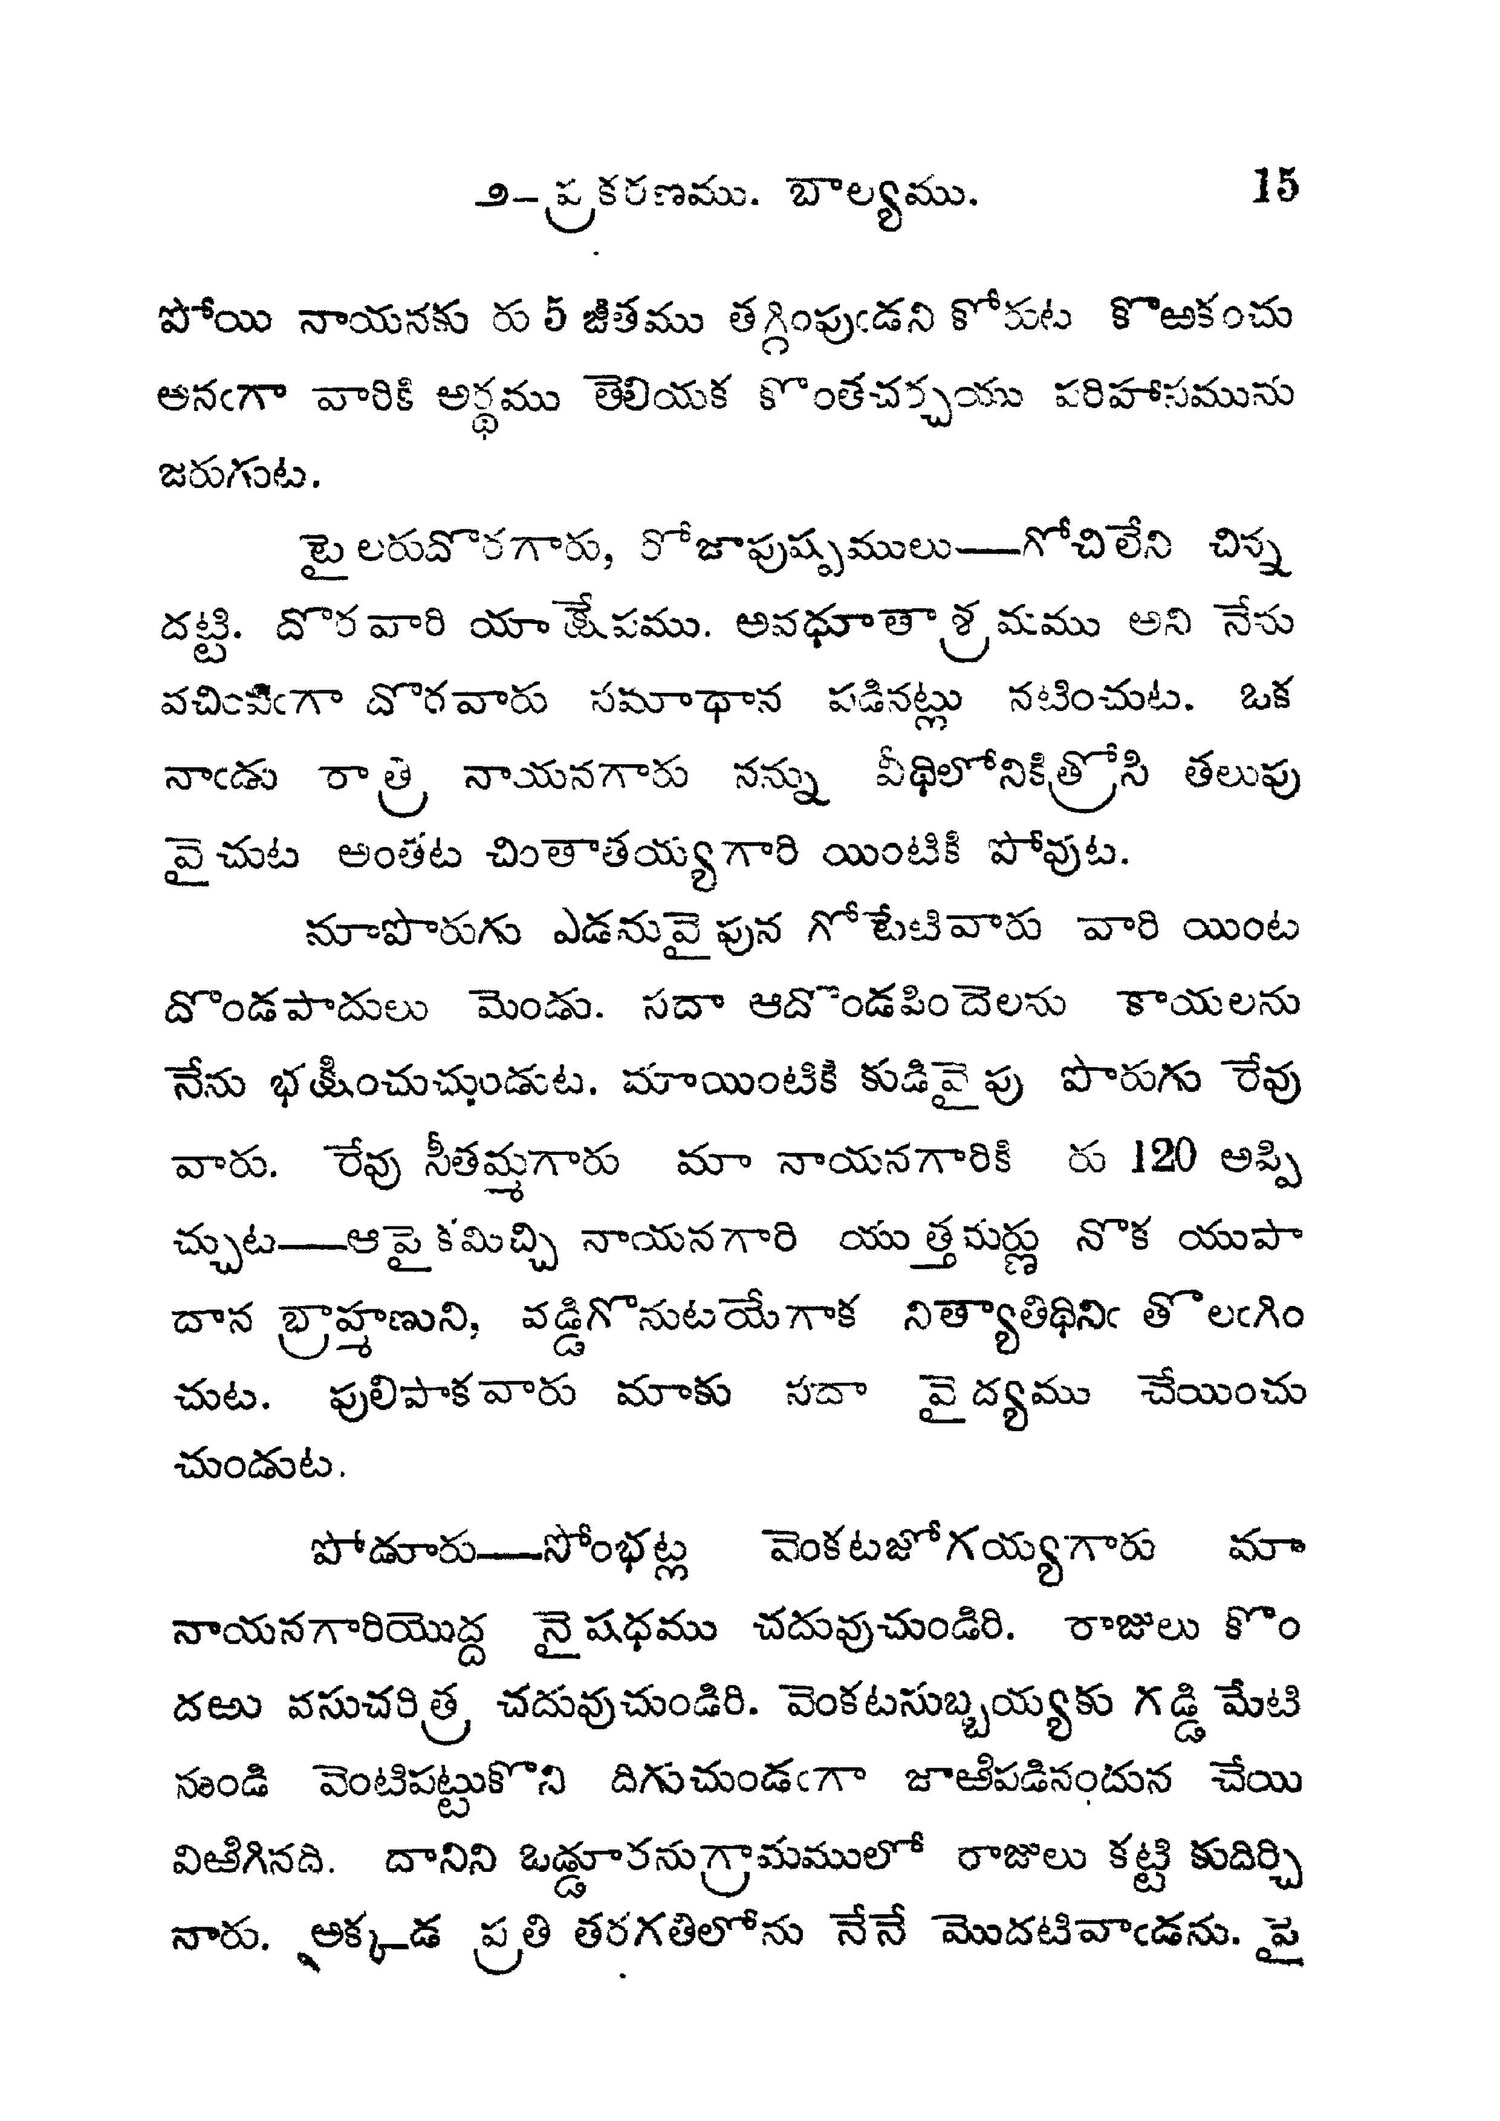పోయి నాయనకు రు 5 జీతము తగ్గింపుడని కోరుట కొఱకంచు అనగా వారికి అర్థము తెలియక కొంతచర్చయు పరిహాసమును జరుగుట. 

టైలరుదొరగారు, రోజాపుష్పములు - గోచిలేని చిన్నదట్టి. దొరవారి యాక్షేపము. అవధూతాశ్రమము అని నేను వచింపగా దొరవారు సమాధాన పడినట్లు నటించుట. ఒకనాడు రాత్రి నాయనగారు నన్ను వీథిలోనికిత్రోసి తలుపు వైచుట అంతట చింతాతయ్యాగారి యింటికి పోవుట.

మాపొరుగు ఎడమవైపున గోటేటివారు వారి యింట దొండపాదులు మెండు. సదా ఆదొండపిందెలను కాయలను నేను భక్షించుచుండుట. మాయింటికి కుడివైపు పొరుగు రేవువారు. రేవు సీతమ్మగారు మా నాయనగారికి రు 120 అప్పిచ్చుట - ఆపైకమిచ్చి నాయనగారి యుత్తమర్ణు నొక యుపాదాన బ్రాహ్మణుని, వడ్డిగొనుటయేగాక నిత్యాతిథిని తొలగించుట. పులిపాకవారు మాకు సదా వైద్యము చేయించుచుండుట.

పోడూరు - సోంభట్ల వెంకటజోగయ్యగారు మా నాయనగారియొద్ద నైషధము చదువుచుండిరి. రాజులు కొందఱు వసుచరిత్ర చదువుచుండిరి. వెంకటసుబ్బయ్యకు గడ్డి మేటి నుండి వెంటిపట్టుకొని దిగుచుండగా జాఱిపడినందున చేయి విఱిగినది. దానిని ఒడ్డూరనుగ్రామములో రాజులు కట్టి కుదిర్చినారు. అక్కడ ప్రతి తరగతిలోను నేనే మొదటివాడను. పై